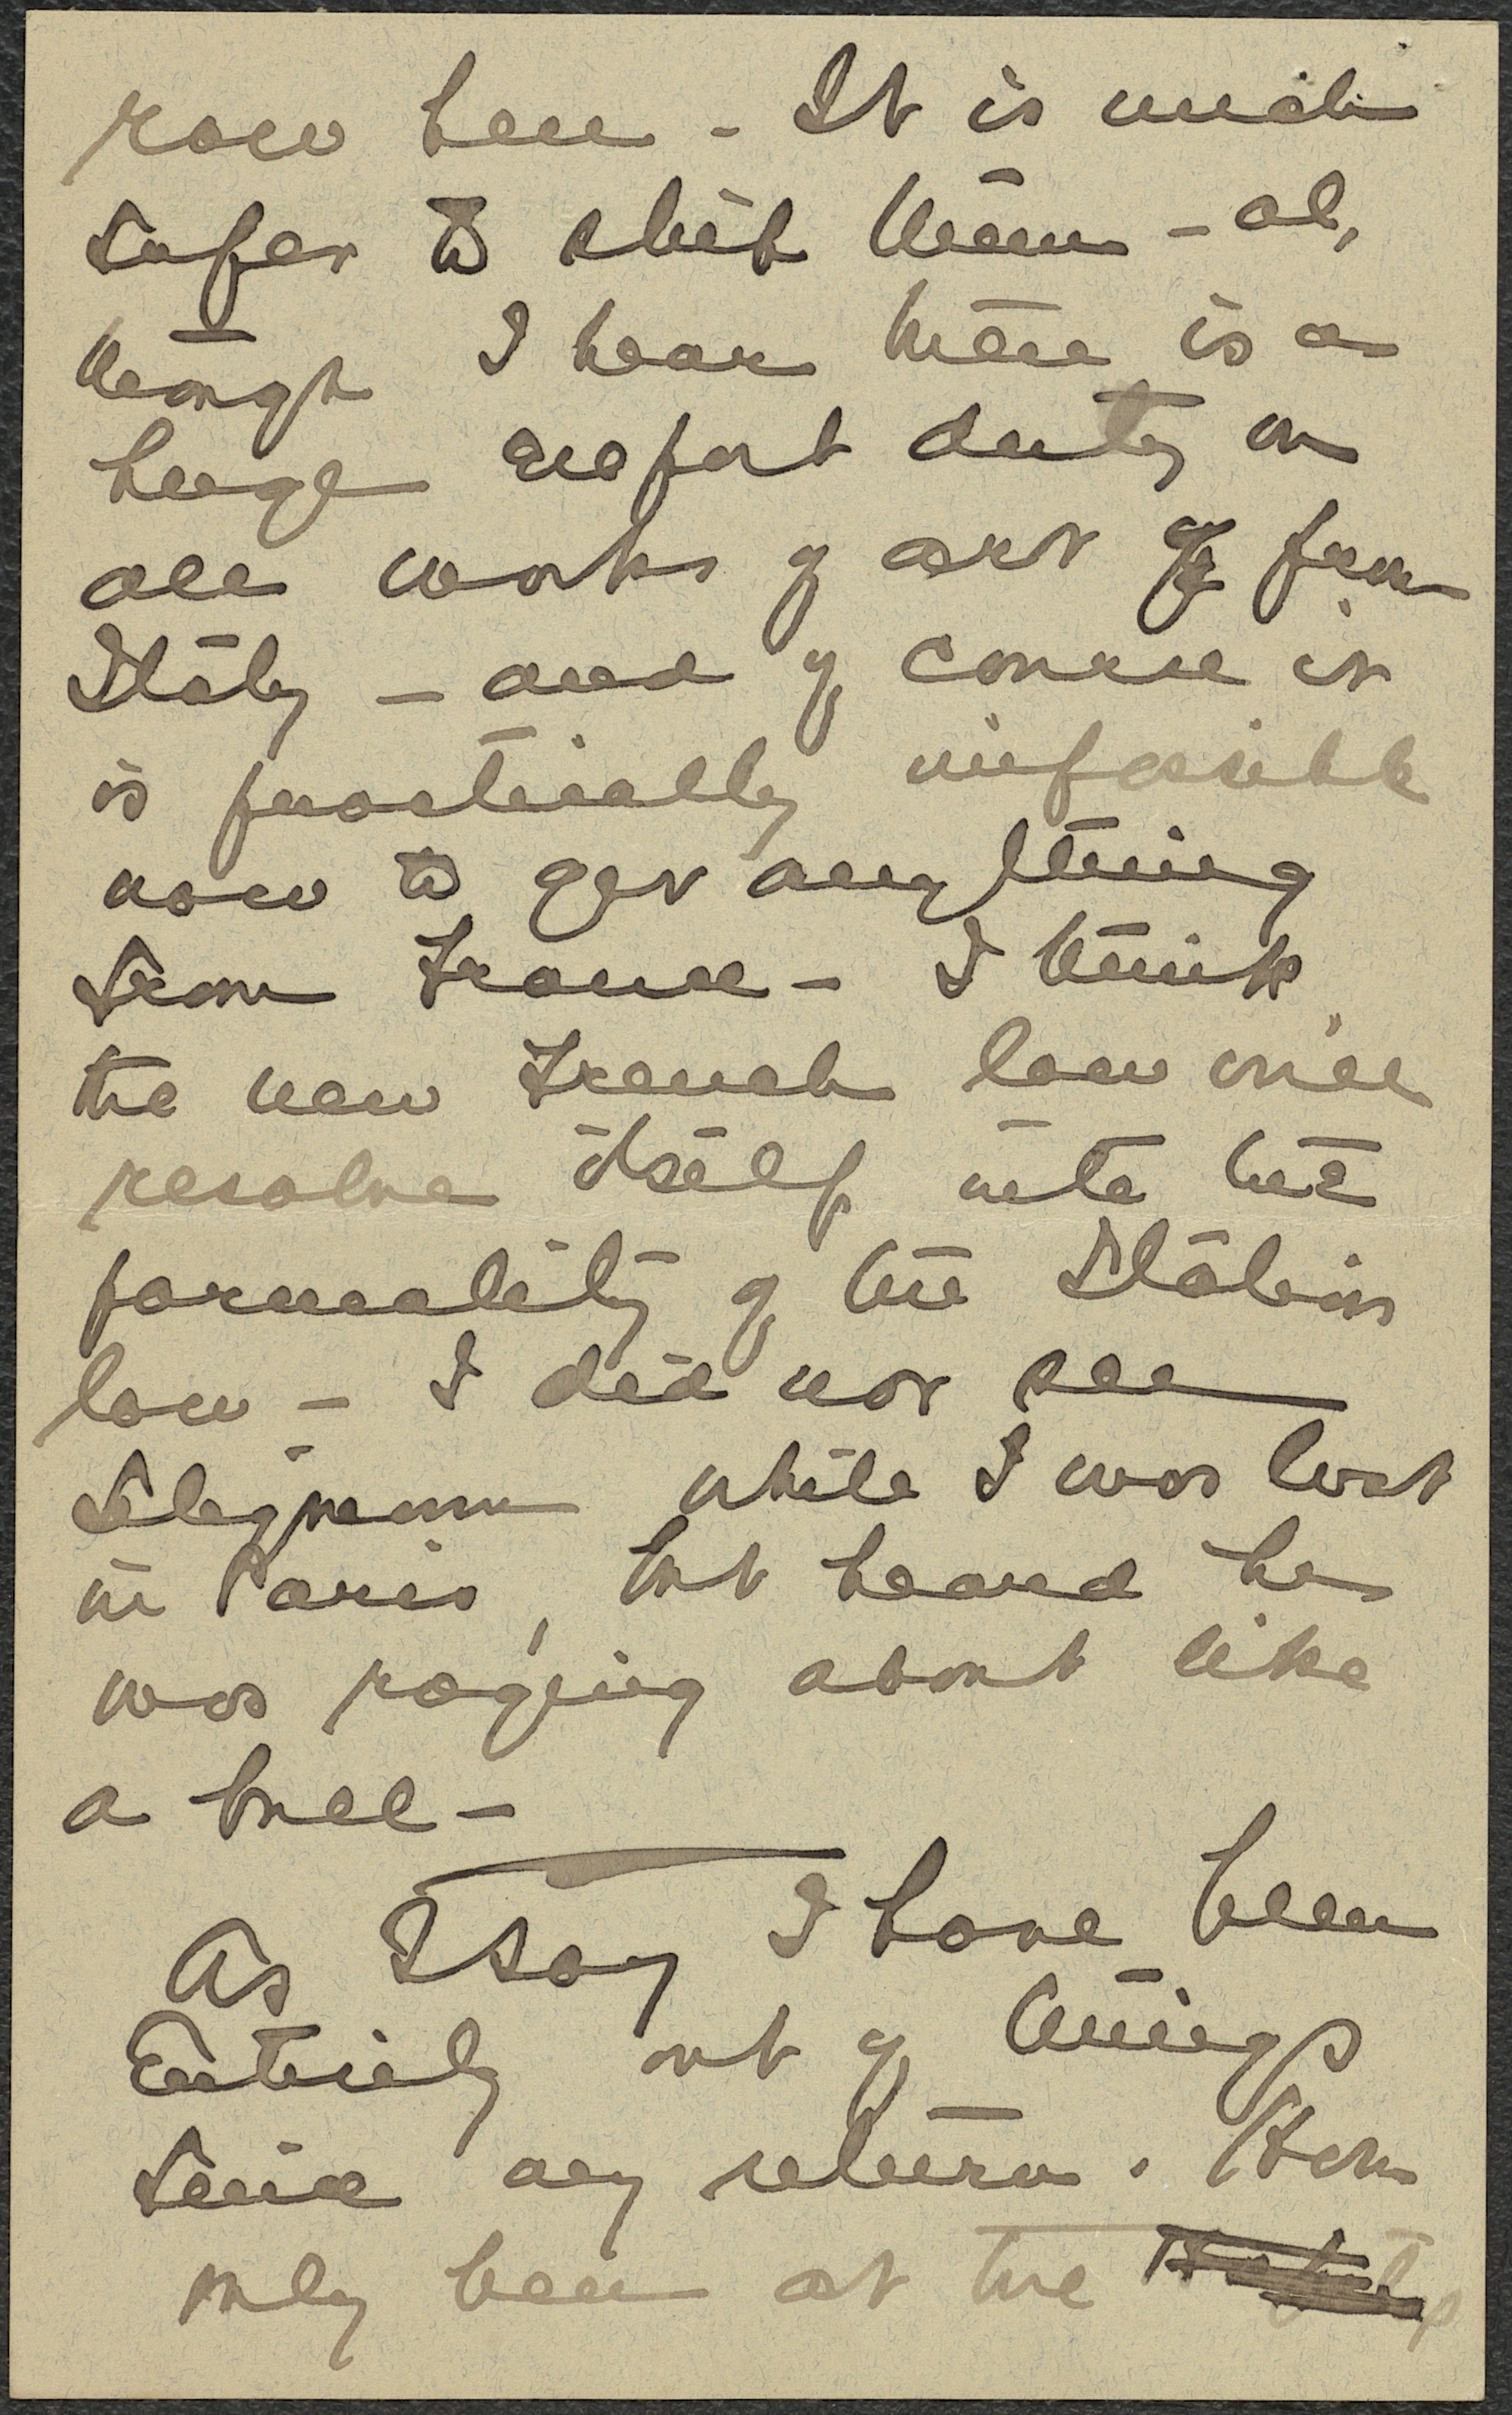row here – it is much safer to ship them – although I hear there is a huge export duty on all works of art of from Italy – and of course it is practically impossible now to get anything from France – I think the new French law will resolve itself into the formality of the Italian law – I did not see Seligmann while I was last in Paris, but heard he was raging about like a bull –
As I say I have been entirely out of things since my return. Have only been at the hospital